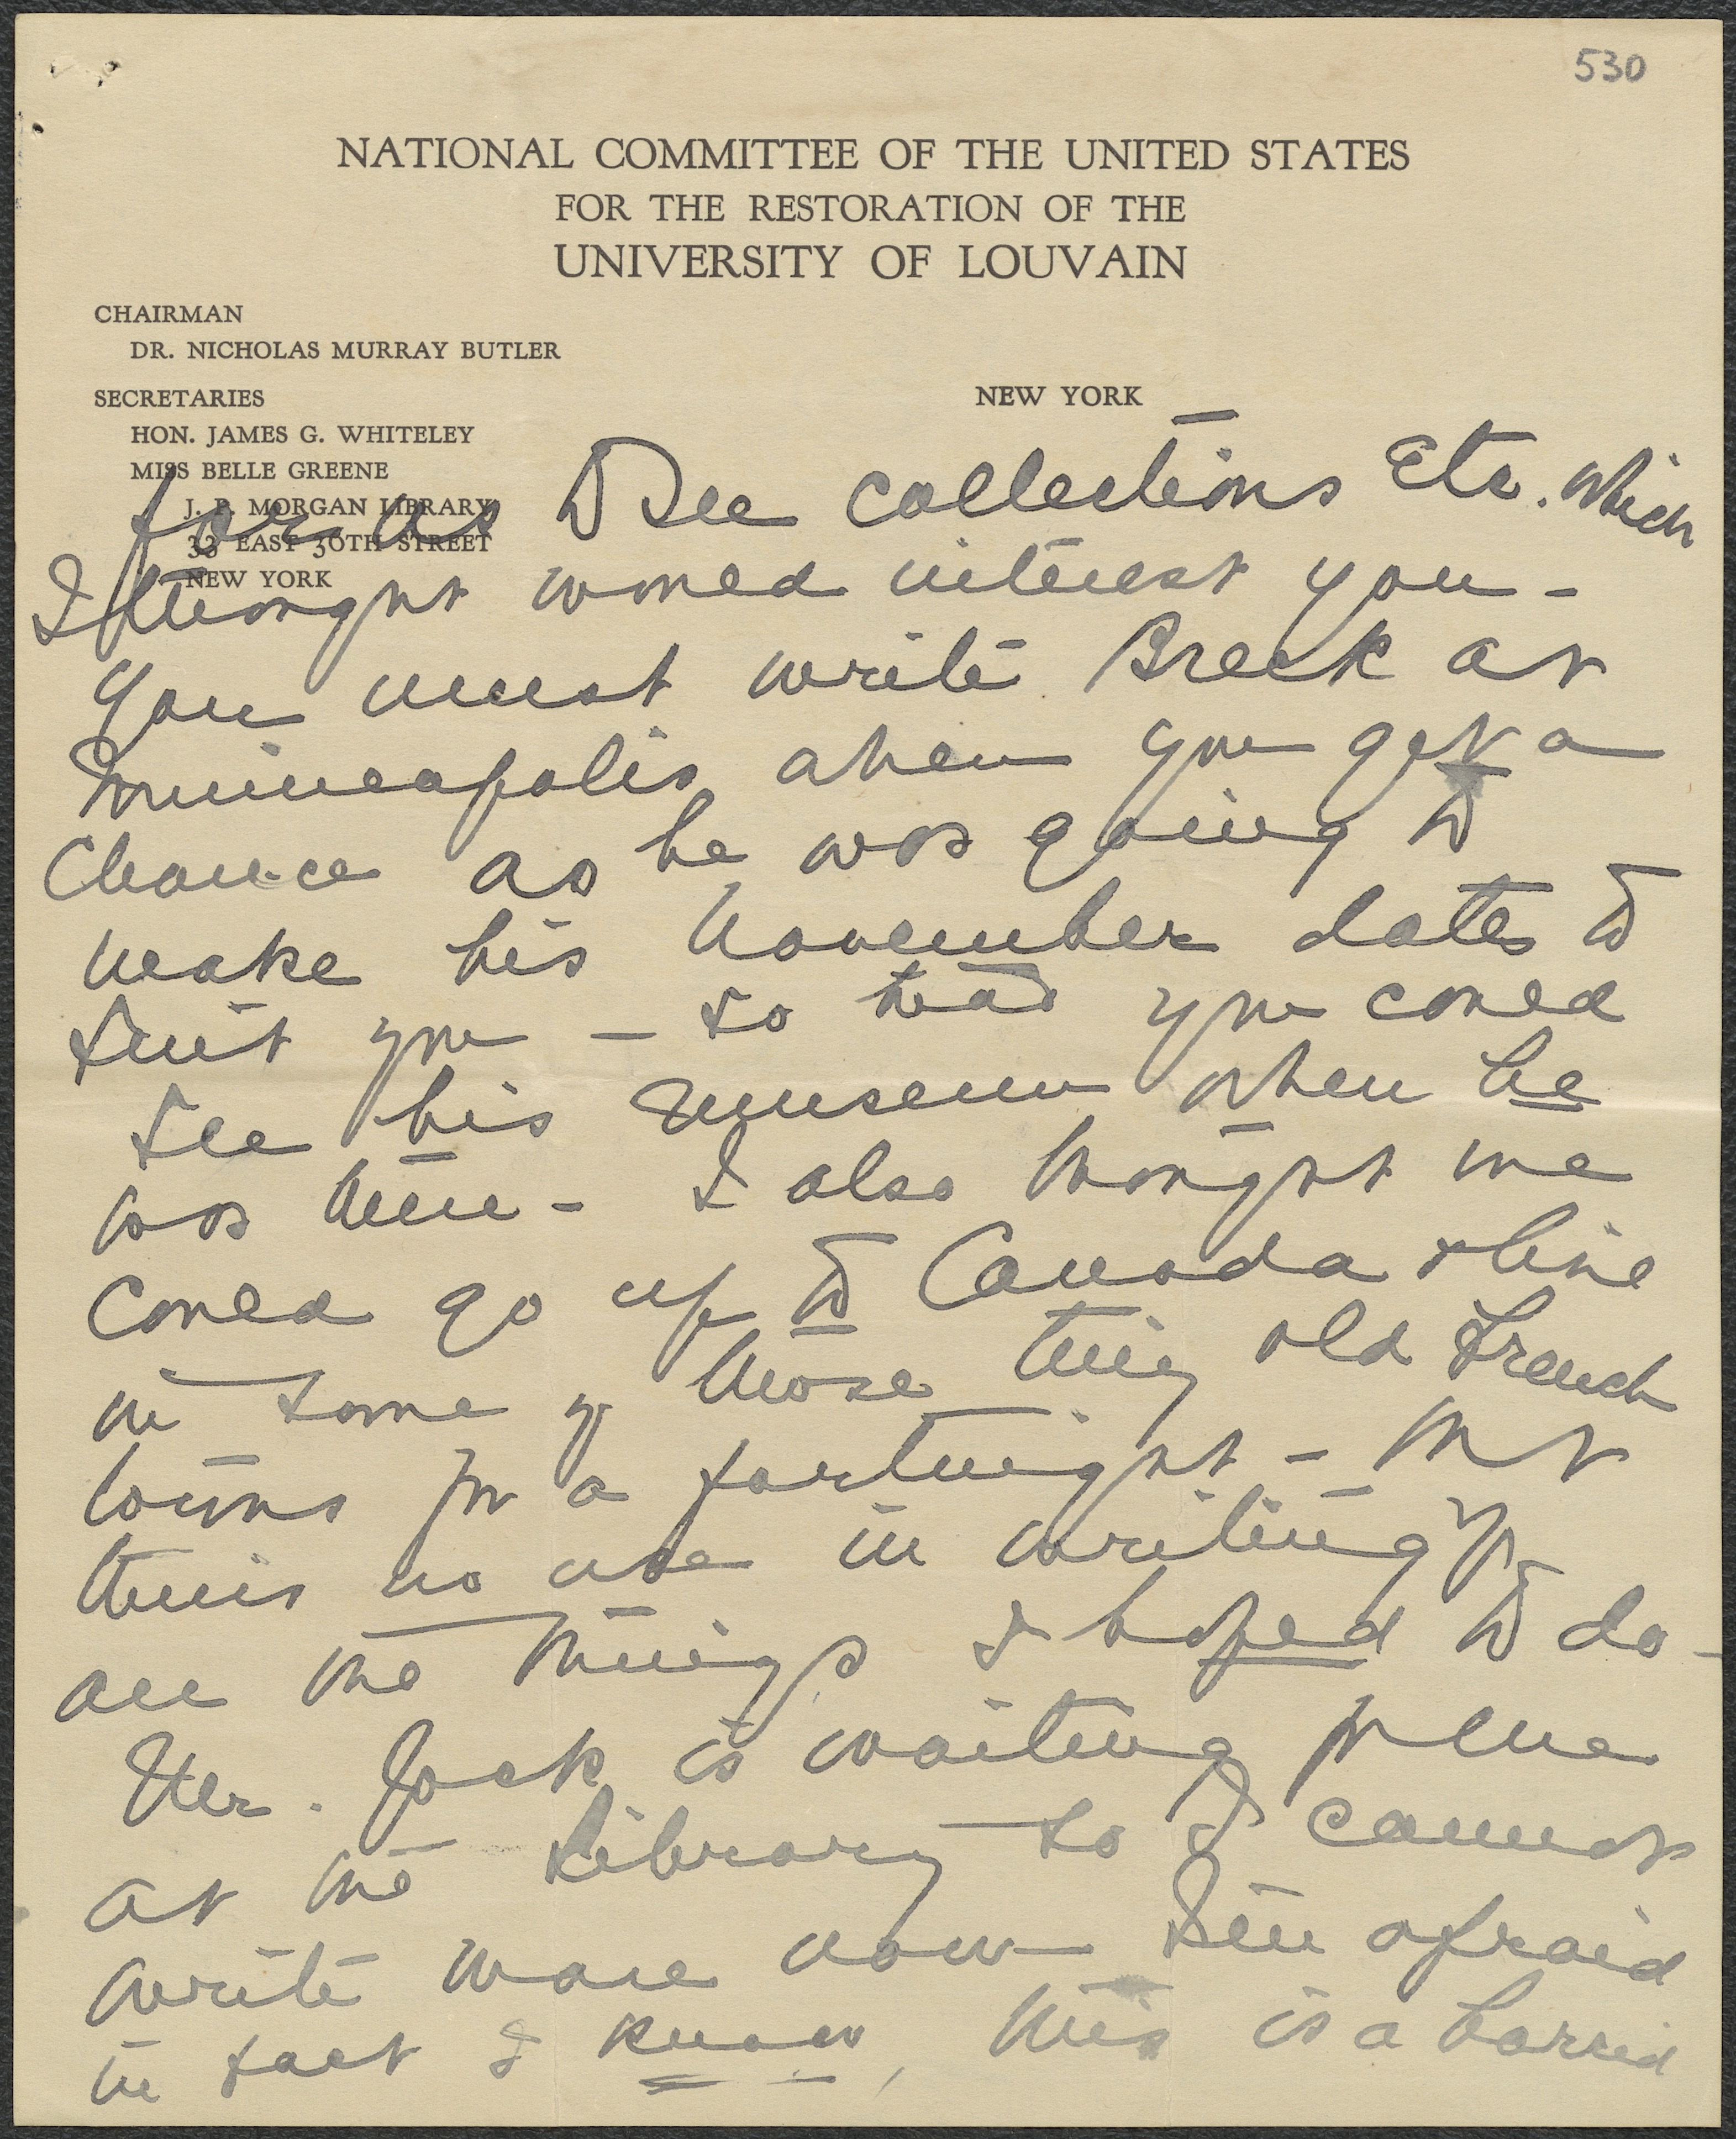for us to see collections etc. which I thought would interest you – you must write Breck at Minneapolis when you get a chance as he was going to make his November dates to suit you – so that you could see his museum when he was there – I also thought we could go up to Canada & live in some of those tiny old French towns for a fortnight – but there’s no use in writing up all the things I had hoped to do – Mr. Jack is waiting for me at the Library so I cannot write more now – I’m afraid in fact I know, this is a horrid